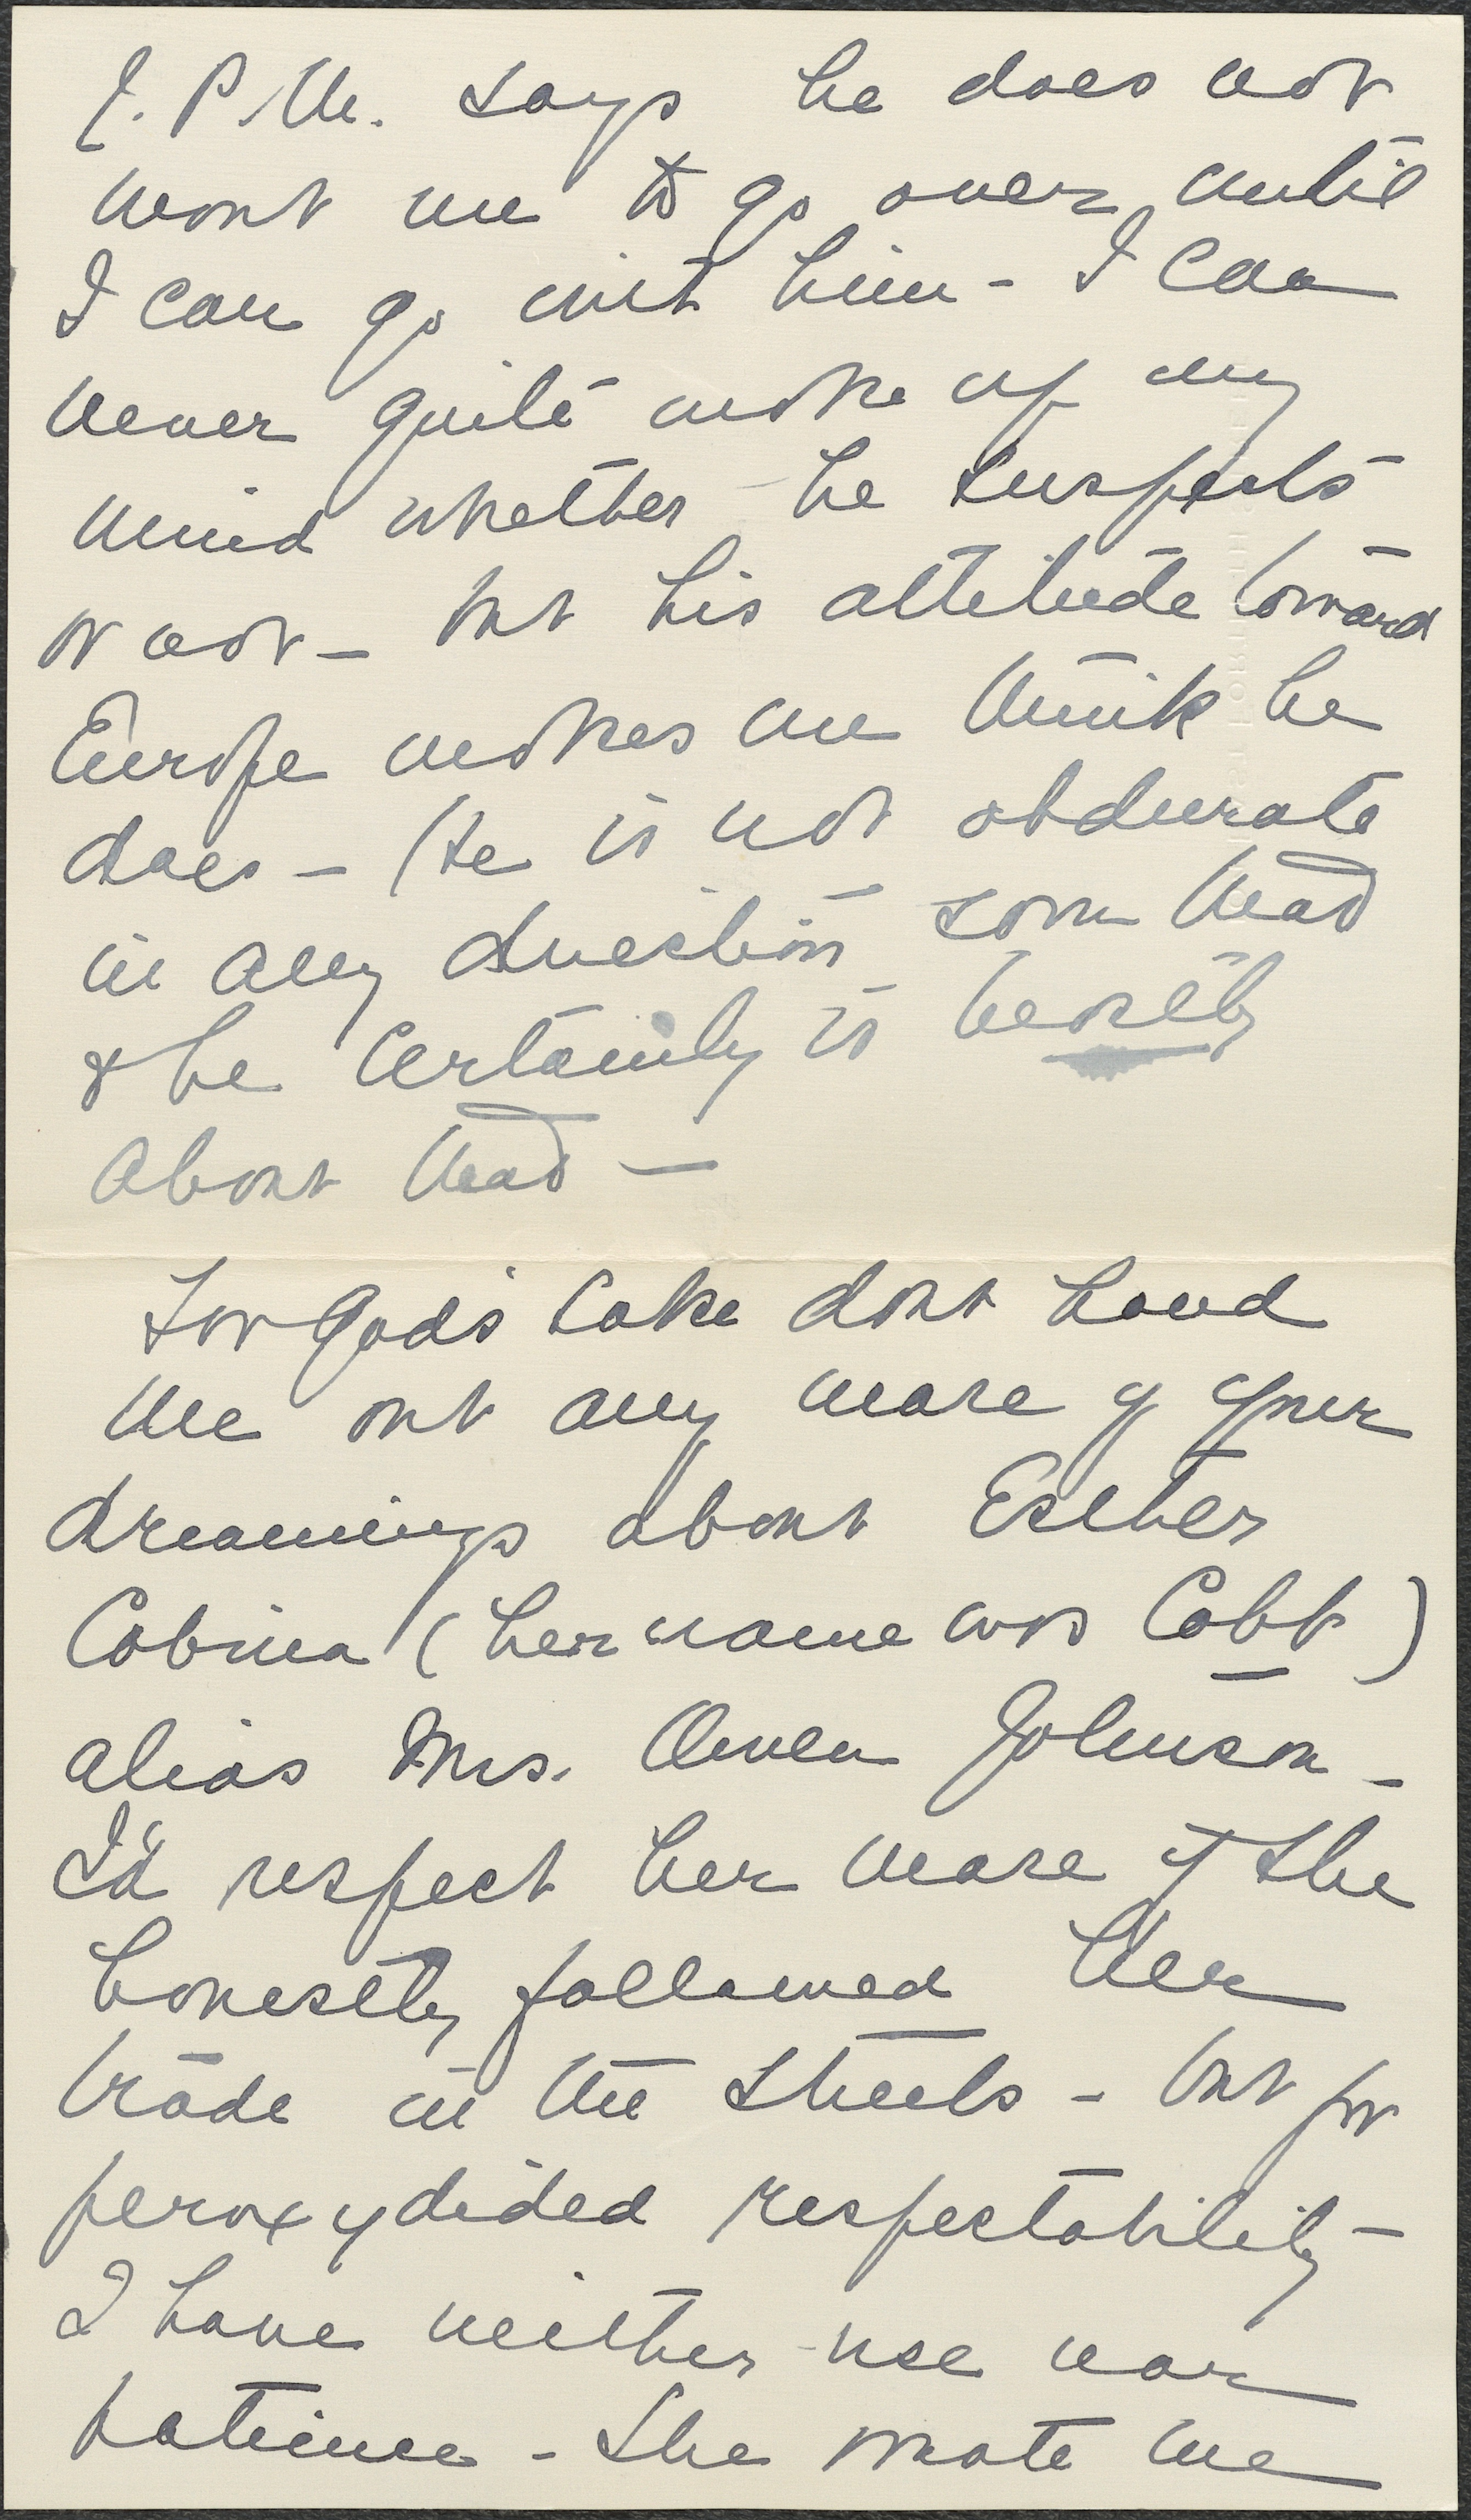J. P. M. says he does not want me to go over until I can go with him – I can never quite make up my mind whether he suspects or not – but his attitude toward Europe makes me think he does – He is not obdurate in any direction save that & he certainly is beastly about that –
For God’s sake dont [sic] hand me out any more of your dreamings about Esther Cobina (her name was Cobb) alias Mrs. Owen Johnson – I’d respect her more if she honestly followed her trade in the sheets – but for peroxydided respectability I have neither use nor patience – She wrote me